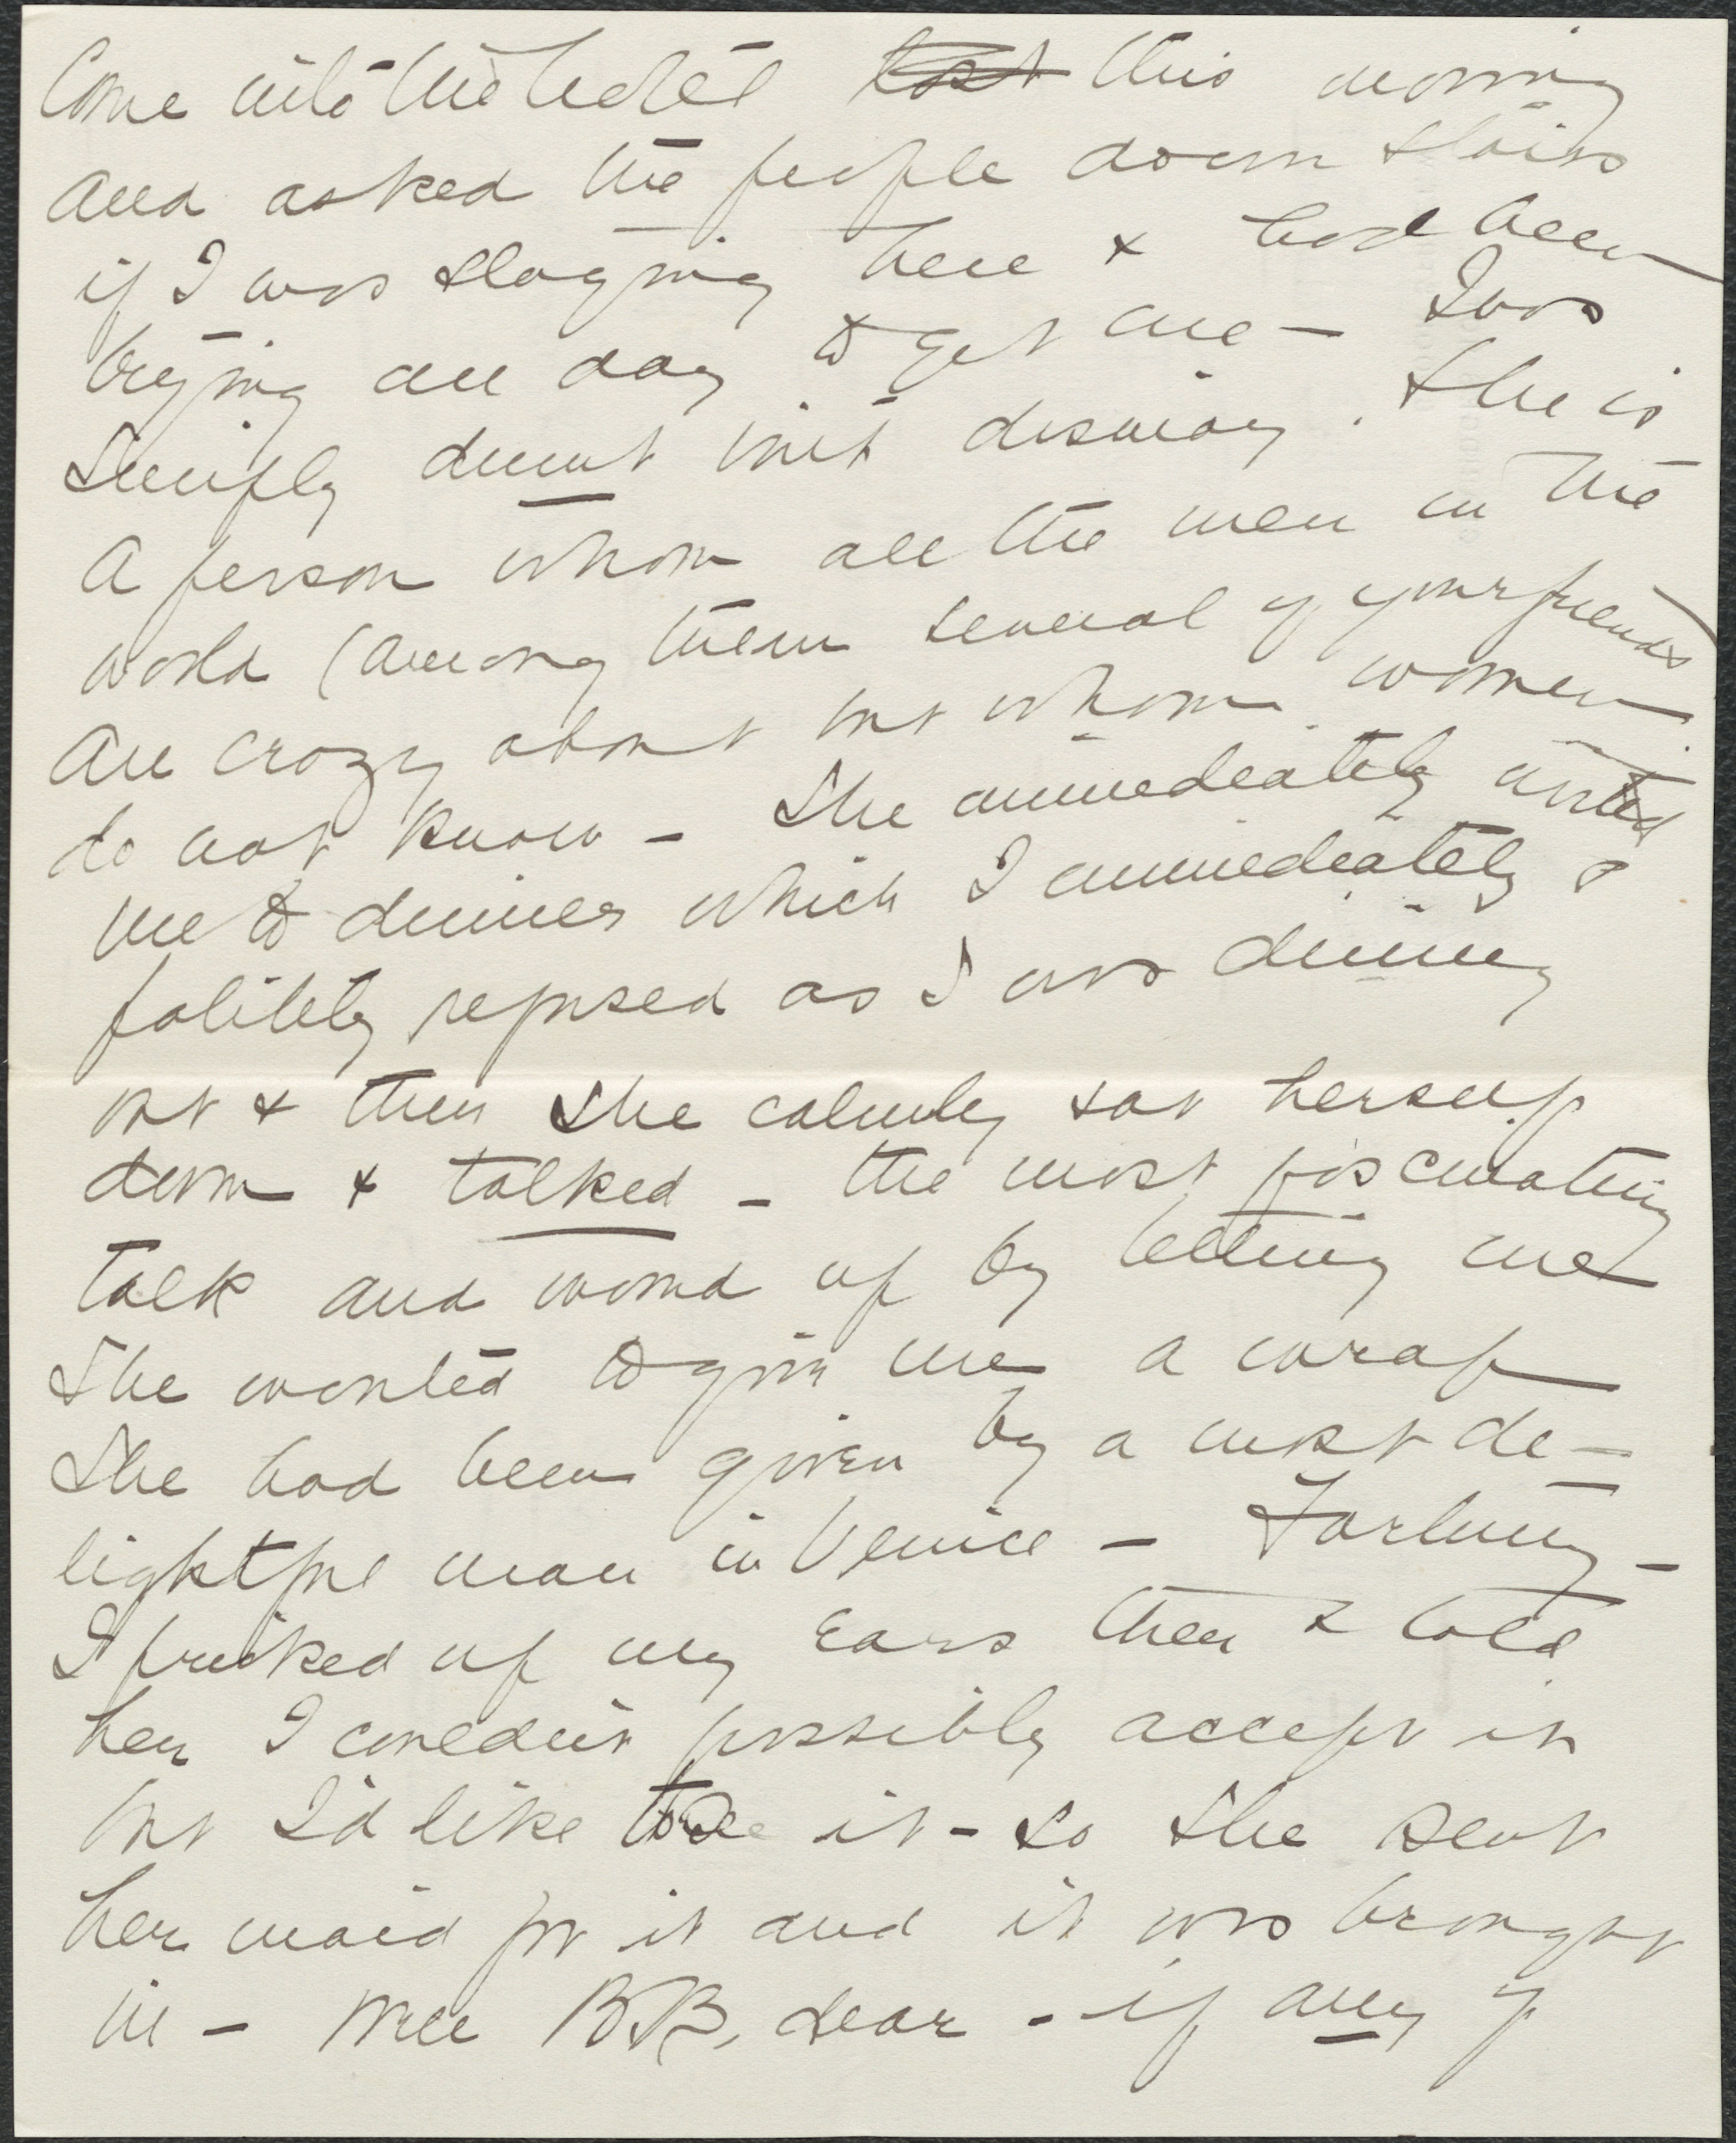come into the hotel last this morning and asked the people down stairs if I was staying here & had been trying all day to get me – I was simply decent with dismay. She is a person whom all the men in the world (among them several of your friends) are crazy about but whom women do not know – She immediately invited me to dinner which I immediately & politely refused as I was dining out & then she calmly sat herself down & talked – the most fascinating talk and wound up by telling me she wanted to give me a wrap she had been given by a most delightful man in Venice – Fortuny – I pricked up my ears then & told her I couldn’t possibly accept it but I’d like to see it – so she sent her maid for it and it was brought in – well B. B. dear – if any of